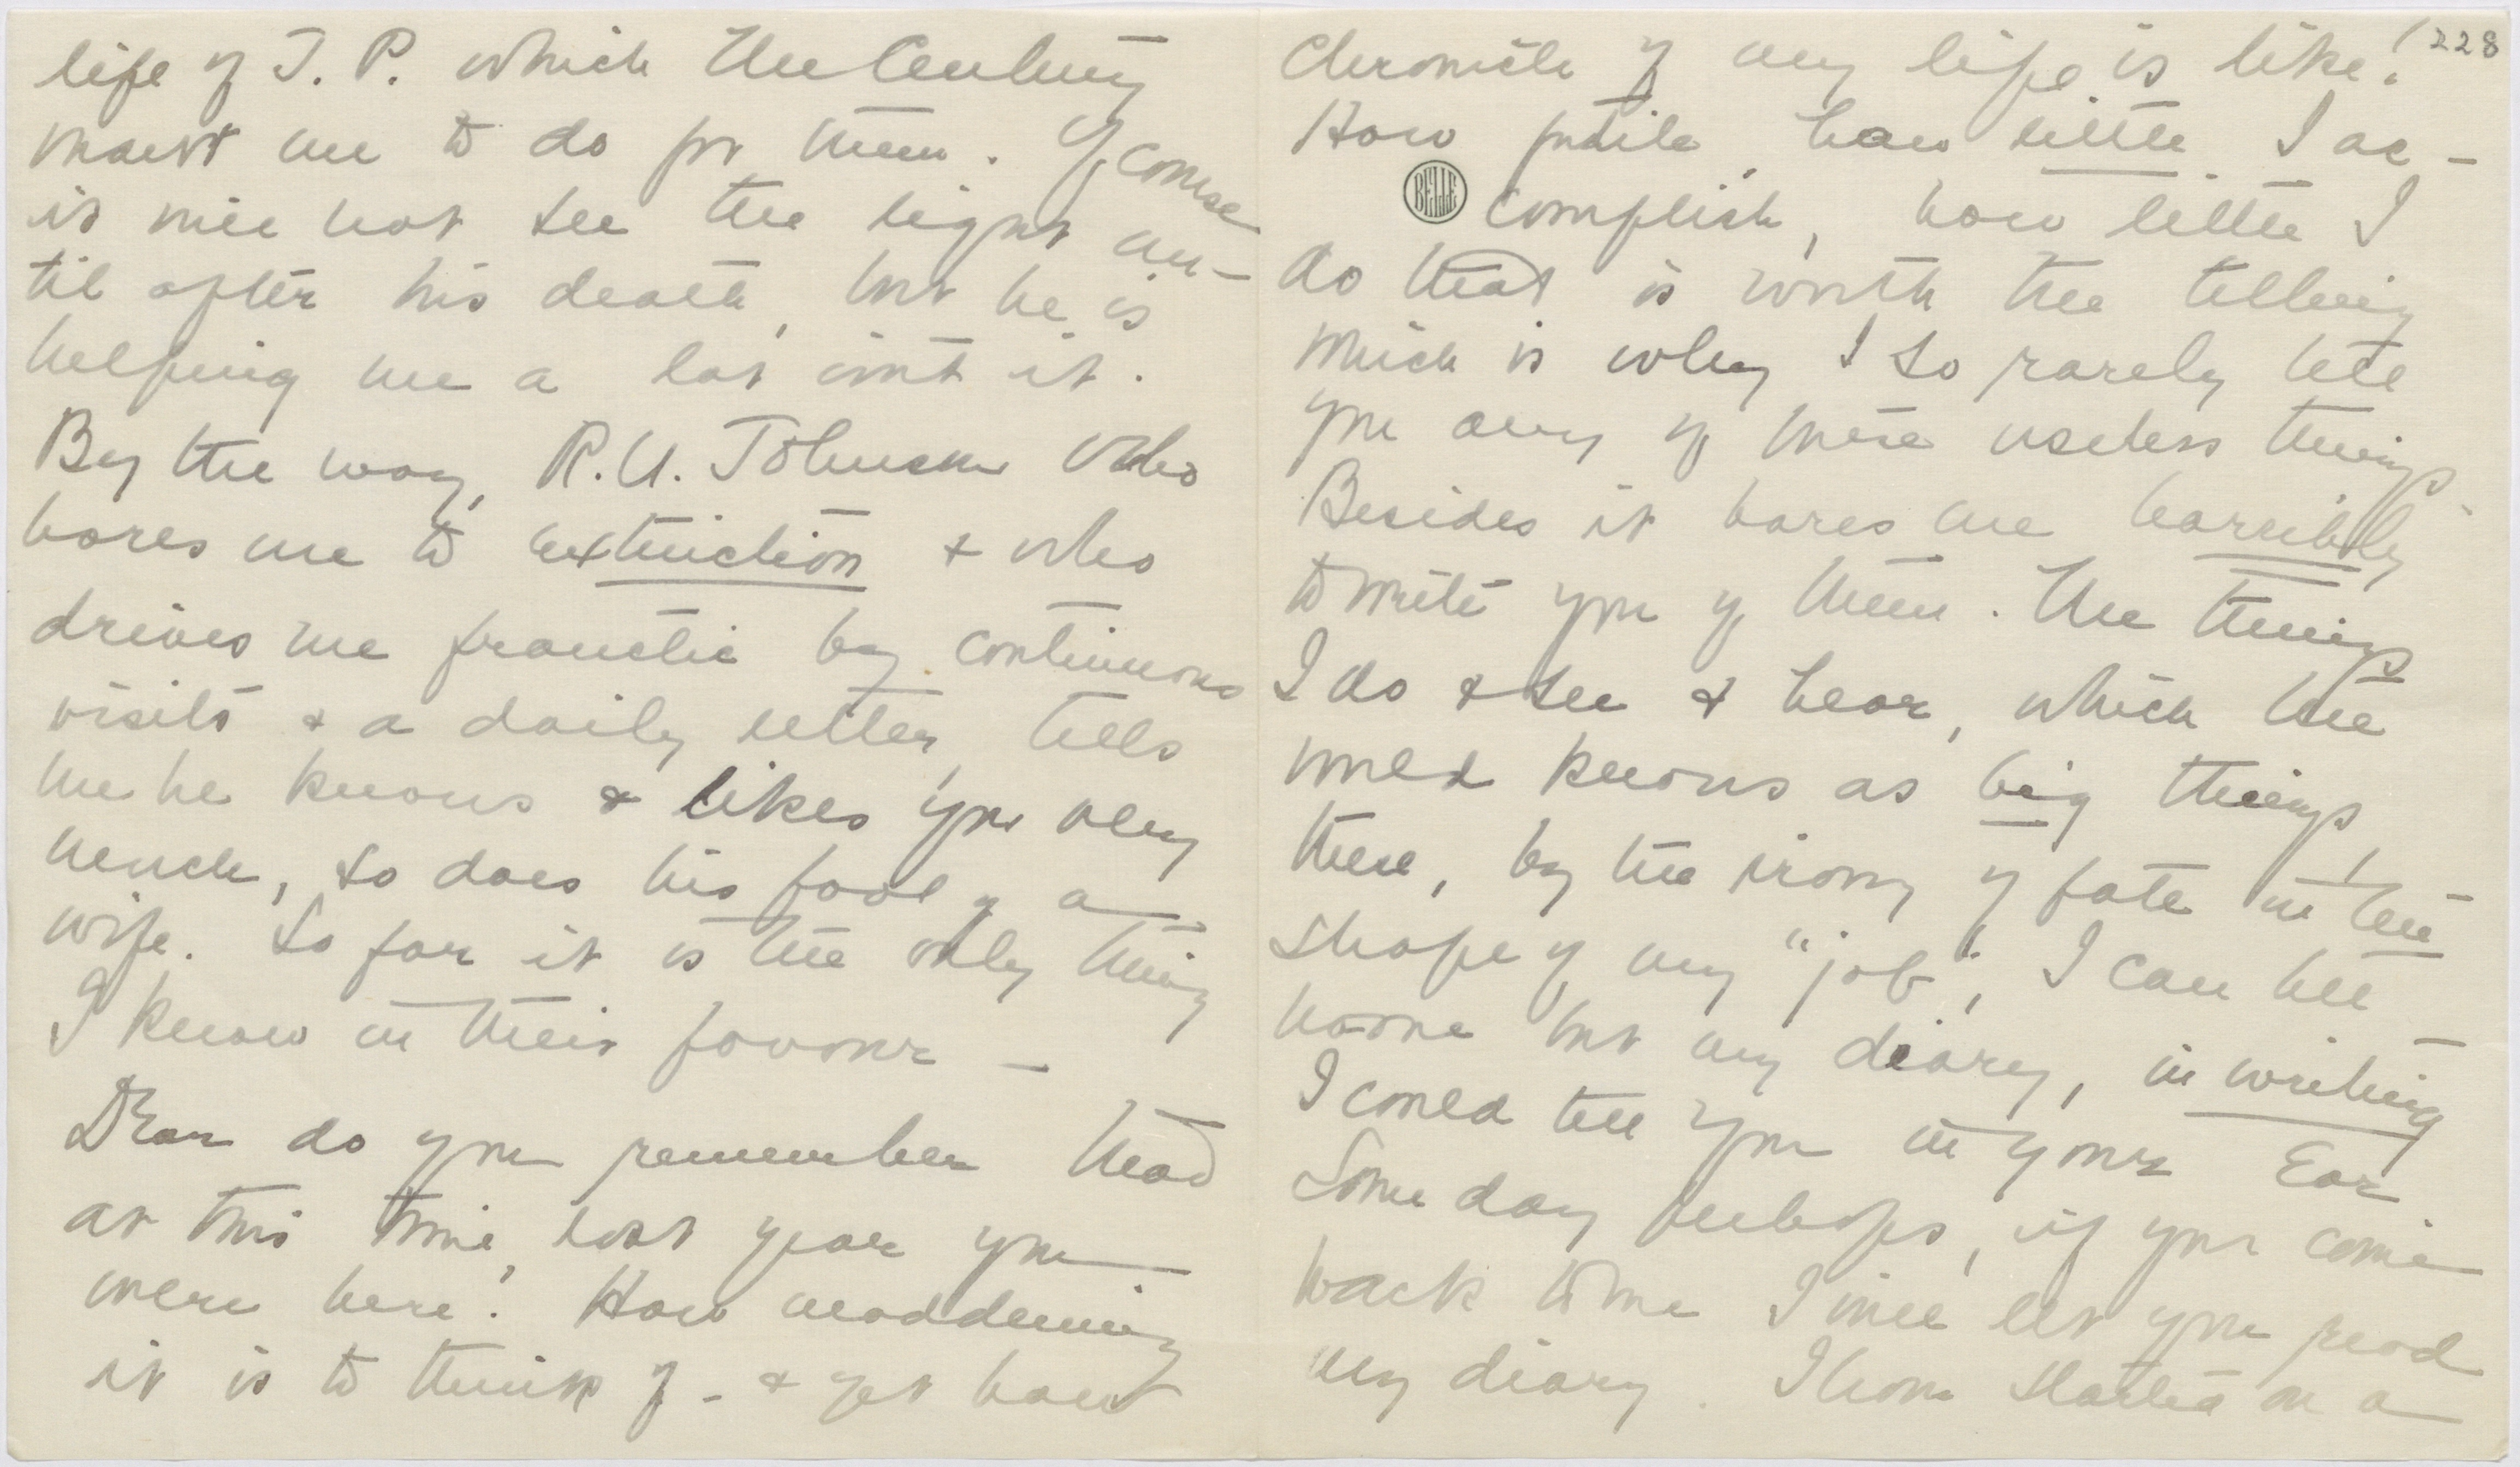chronicle of my life is like! How futile, how little I accomplish, how little I do that is worth the telling which is why I do rarely tell you any of these useless things. Besides it bores me [double underlined: horribly] to write you of them. The things I do & see & hear, which the world knows as big things there, by the irony of fate in the shape of my “job”, I can tell no-one but my diary, in writing I could tell you in your ear. Some day perhaps, if you come back to me I will let you read my diary. I have started on a
life of J.P. which The Century want me to do for them. Of course it will not see the light until after his death, but he is helping me a lot with it. By the way, R.U. Johnson who bores me to extinction & who drives me frantic by continuous visits & a daily letter, tells me he knows & likes you very much, so does his fool of a wife. So far it is the only thing I know in their favour –
Dear do you remember that at this time last year you were here? How maddening it is to think of – & yet how